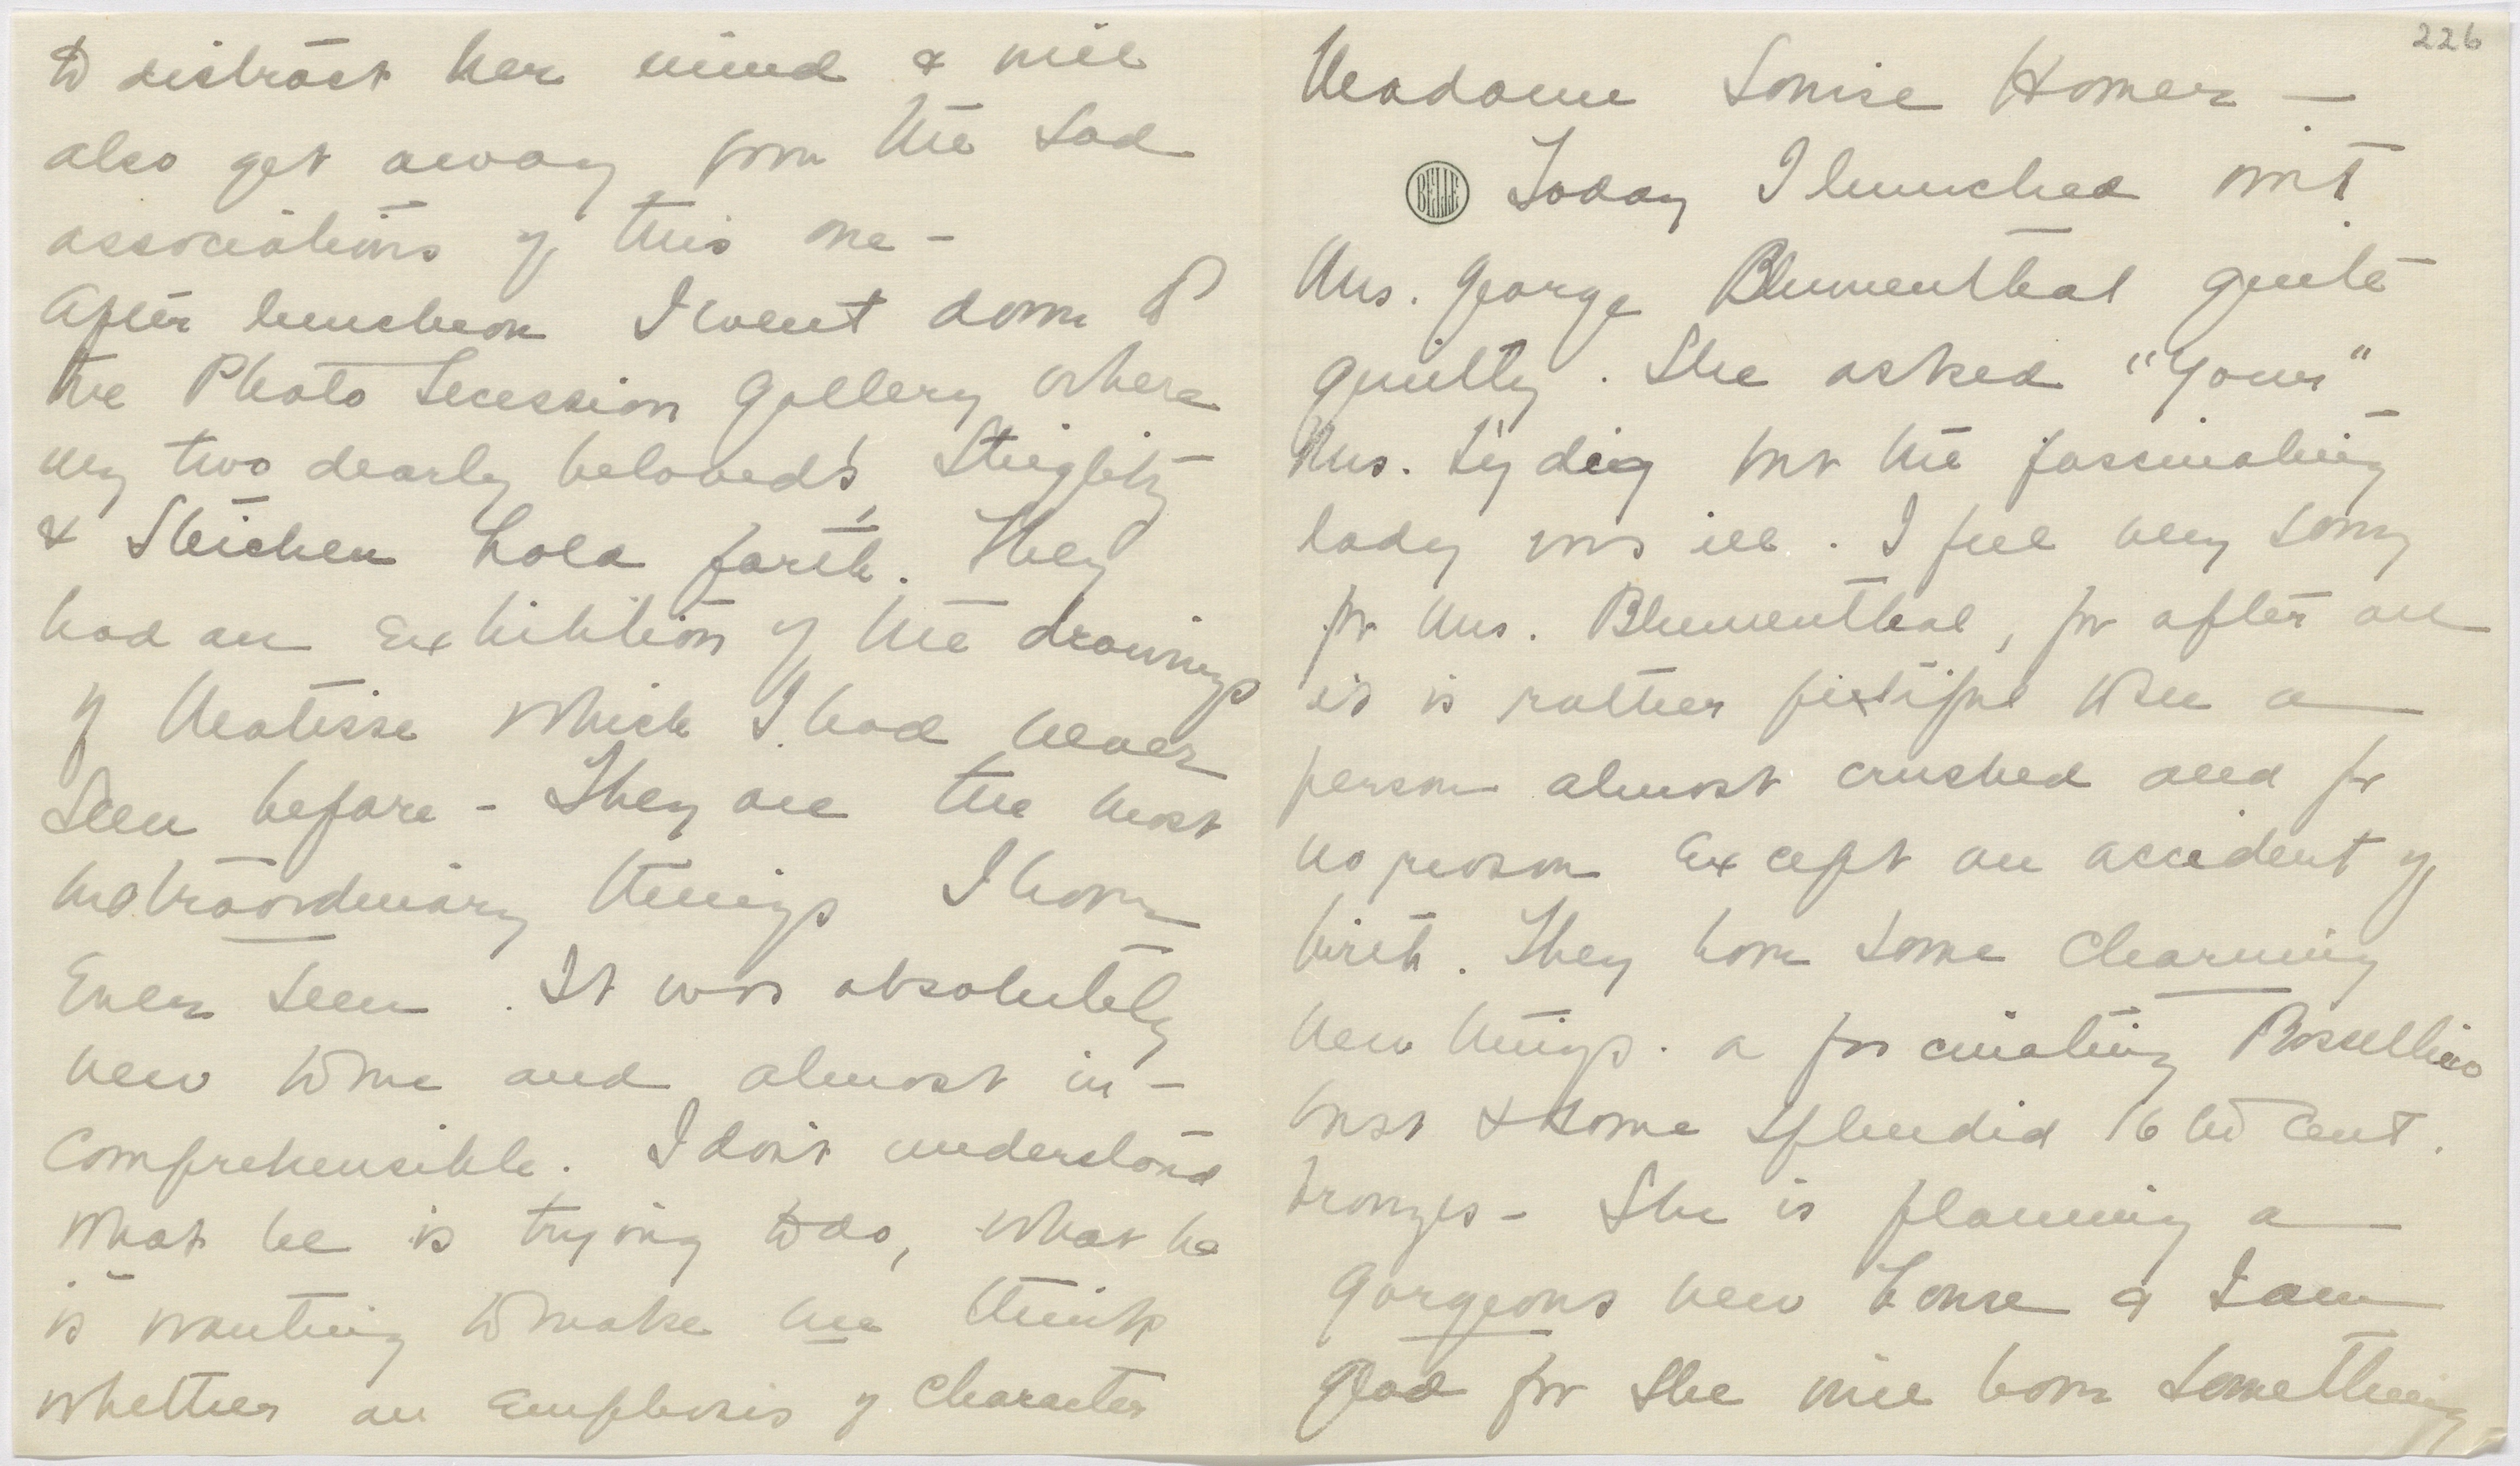Madame Louise Homer –
Today I lunched with Mrs. George Blumenthal quite quietly. She asked “your” Mrs. Lydig but the fascinating lady was ill. I feel very sorry for Mrs. Blumenthal, for after all it is rather pitiful to see a person almost crushed and for no reason except an accident of birth. They have some charming new things – a fascinating Rossellino bust & some splendid 16th cent. bronzes – She is planning a gorgeous new house & I am glad for she will have something
to distract her mind & will also get away from the sad associations of this one –
After luncheon I went down to the Photo Secession gallery where my two dearly beloved’s Stieglitz & Steichen hold forth. They had an exhibition of the drawings of Matisse which I had never seen before – They are the most extraordinary things I have ever seen. It was absolutely new to me and almost incomprehensible. I don’t understand what he is trying to do, what he is wanting to make me think whether an emphasis of character